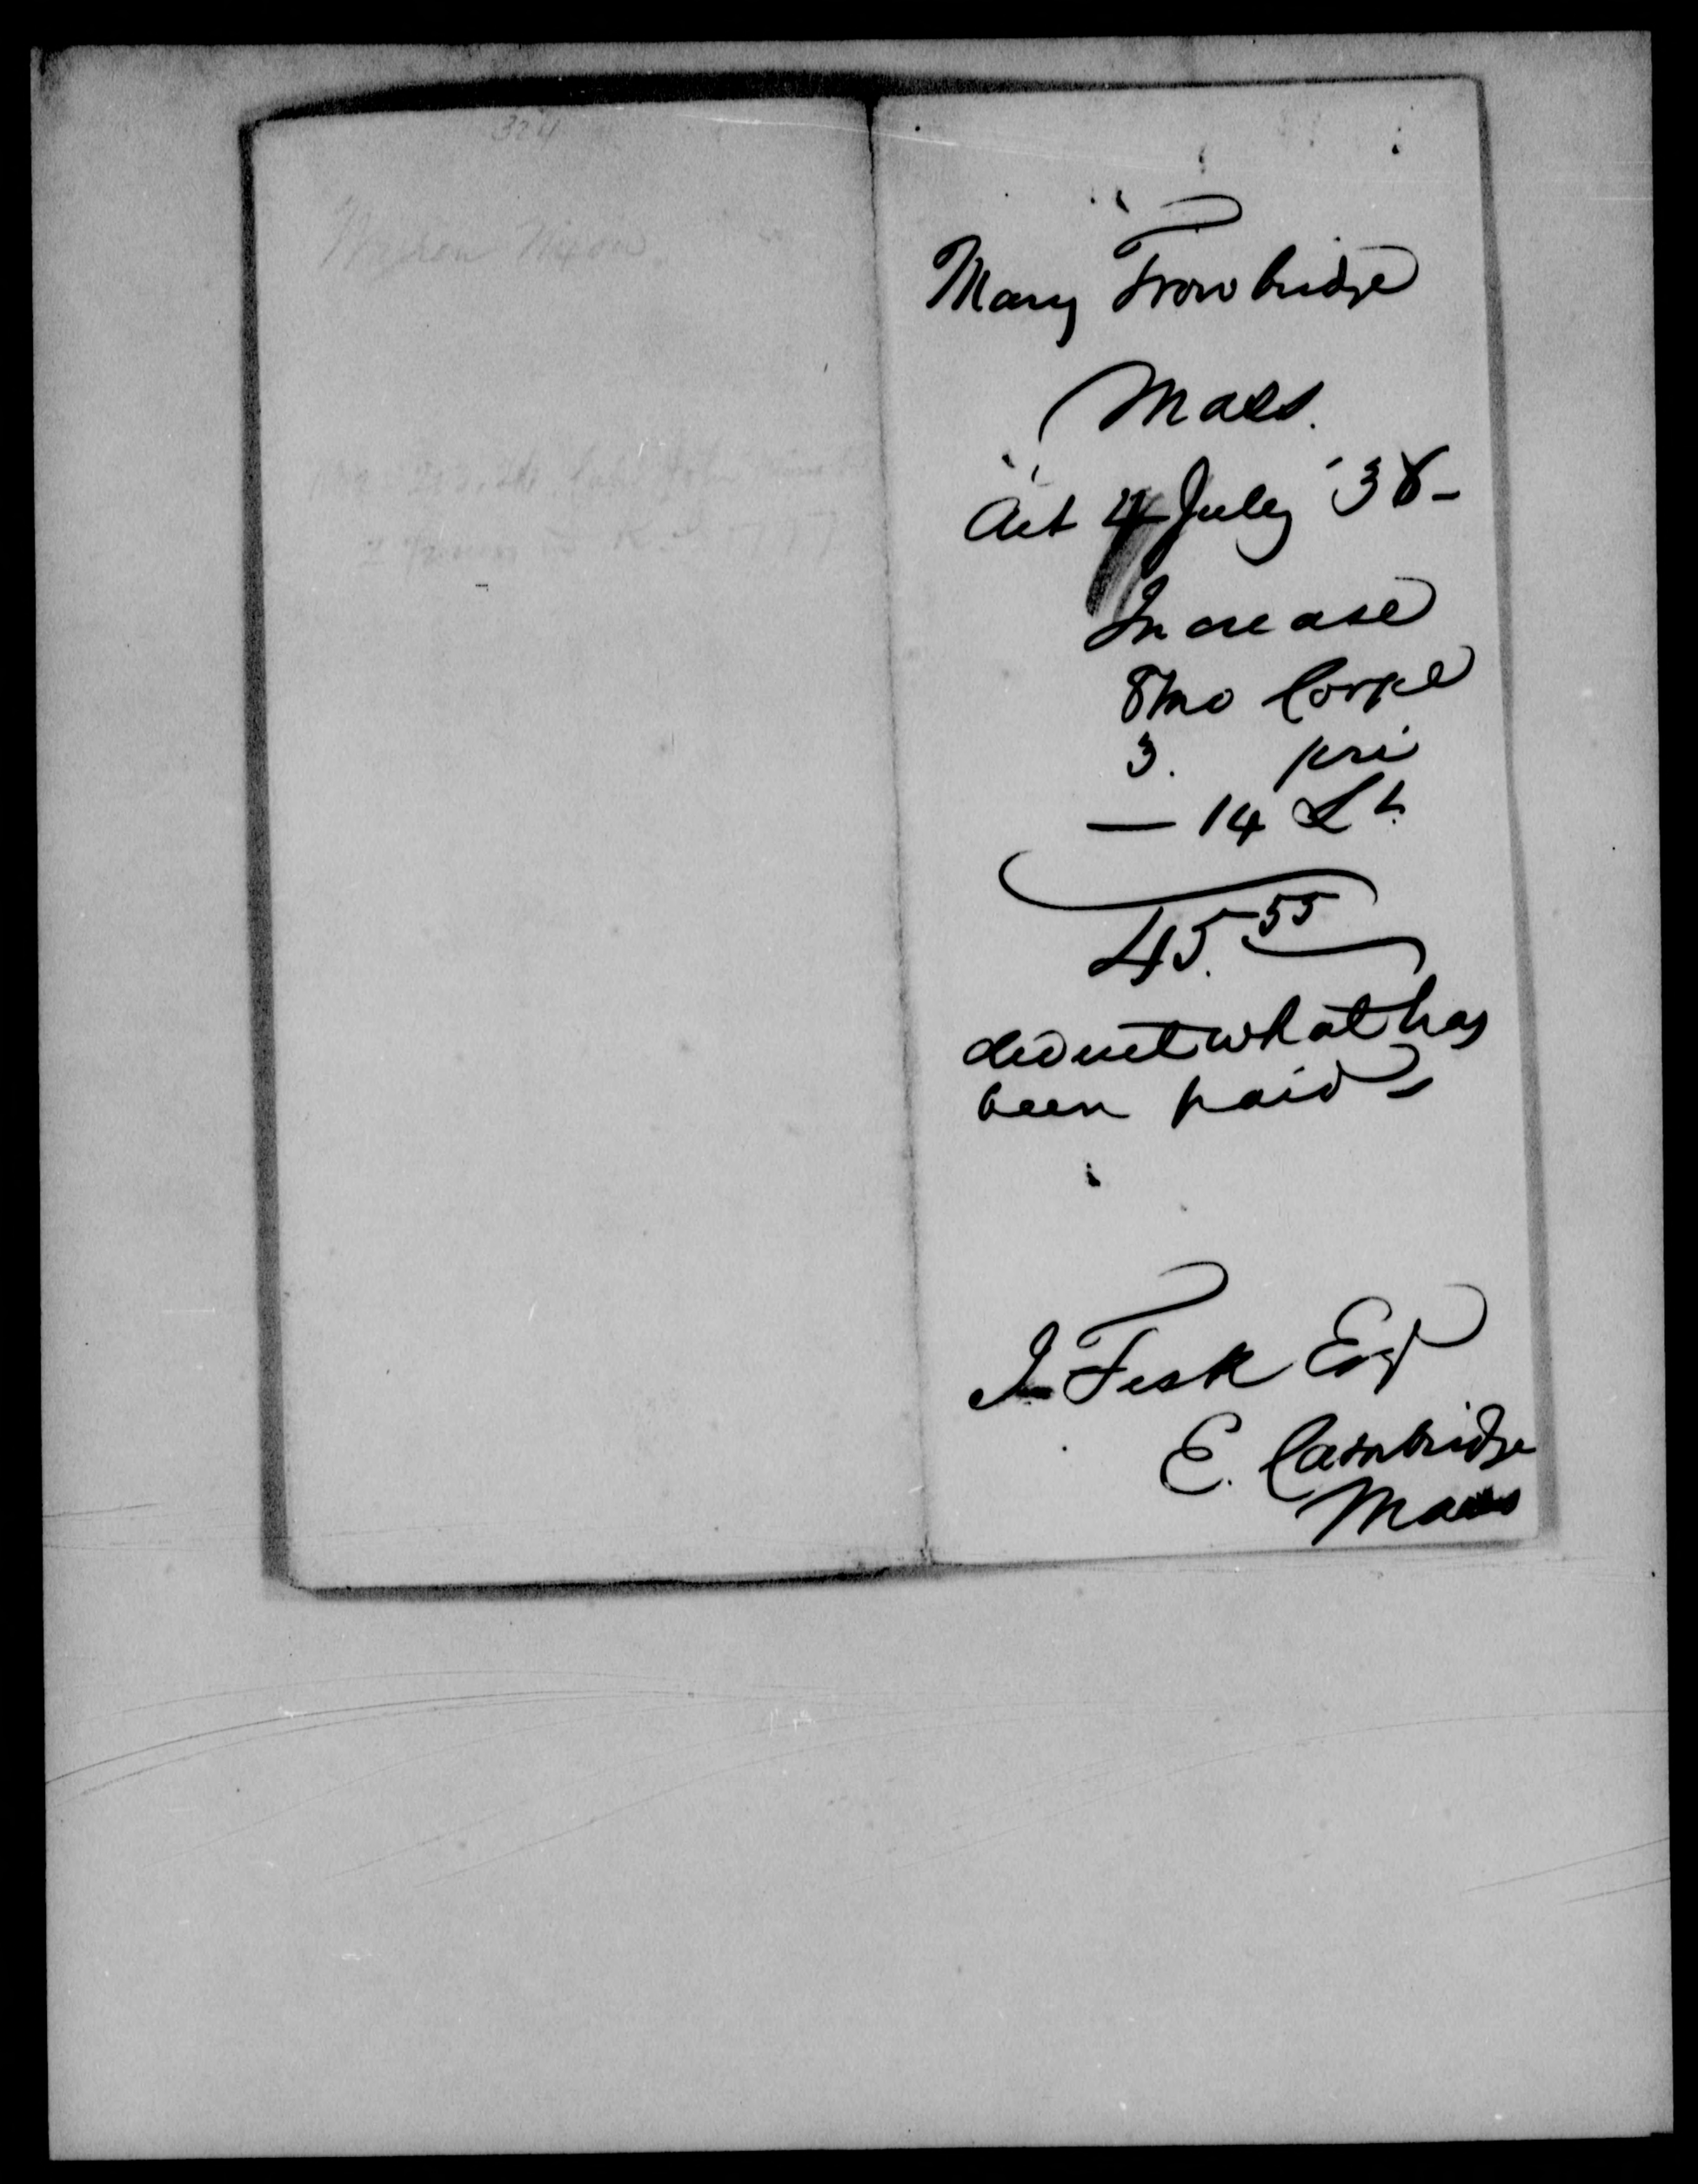(right side)

Mary Trowbridge
Mass.
Act 7 July '38

Increase
8mo Corpl
3  pri
--14 Lt.
45.55
deduct what has been paid

I. Fisk Esq.
E. Cambridge Mass


(left side)
Warren Nixon
(illegible) Capt. John (illegible)
(illegible) 1777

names: Mary Trowbridge, I Fiske, Warren Nixon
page: 23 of 34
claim: widow's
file: W. 15439, John Trowbridge, Mass.